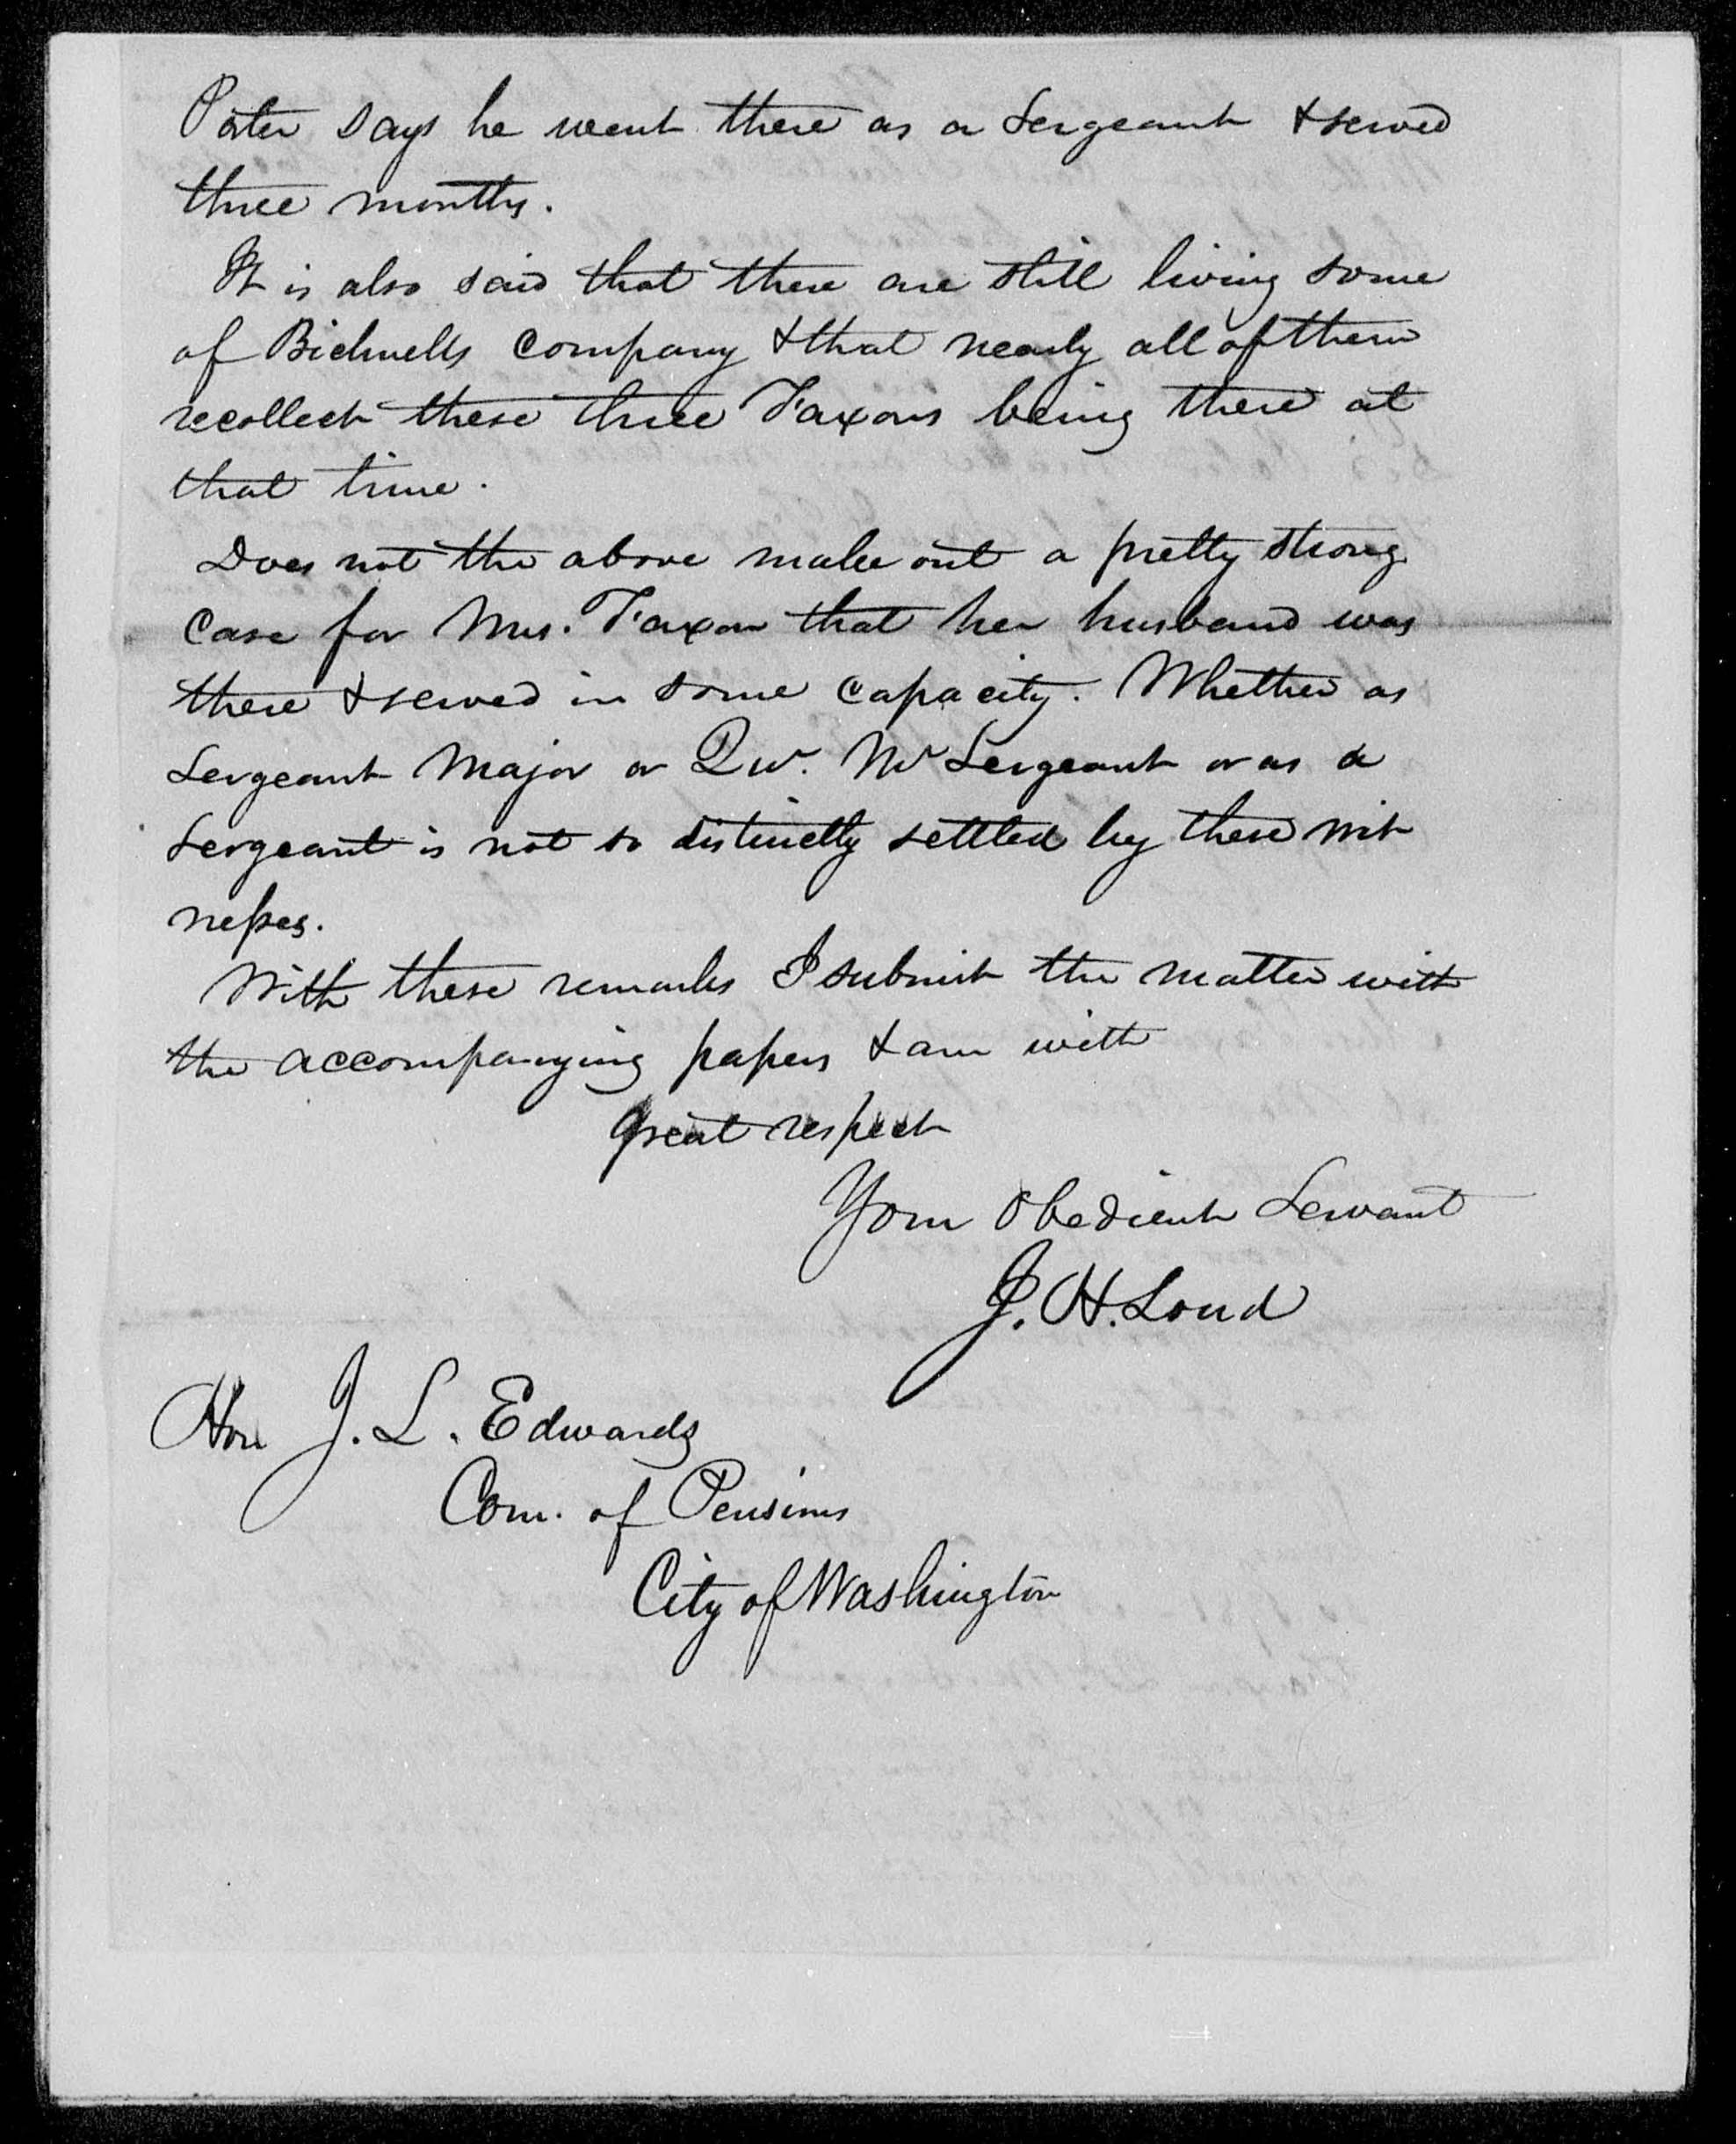Porter says he went there as a sergeant and served three months. 
It is also said that there are still living some of Bishnells company and that nearly all of them recollect these three Faxons being there at that time.
Does not the above make out a pretty strong case for Mrs. Faxon that her husband was there and served in some capacity. Whether as Sergeant or Div. (illegible) Sergeant was a Sergeant is no so distinctly settled by these (illegible).
With these remarks I submit the matter with the accompanying papers and am with
great respect
Your Obedient Servant
J.H. Loud

Hon J.L. Edwards
Commissioner of Pensions
City of Washington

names: Faxon, Faxon, J L Edwards, J H Loud, Porter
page: 30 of 47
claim: widow's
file: W. 14703, Elisha Faxon, Mass